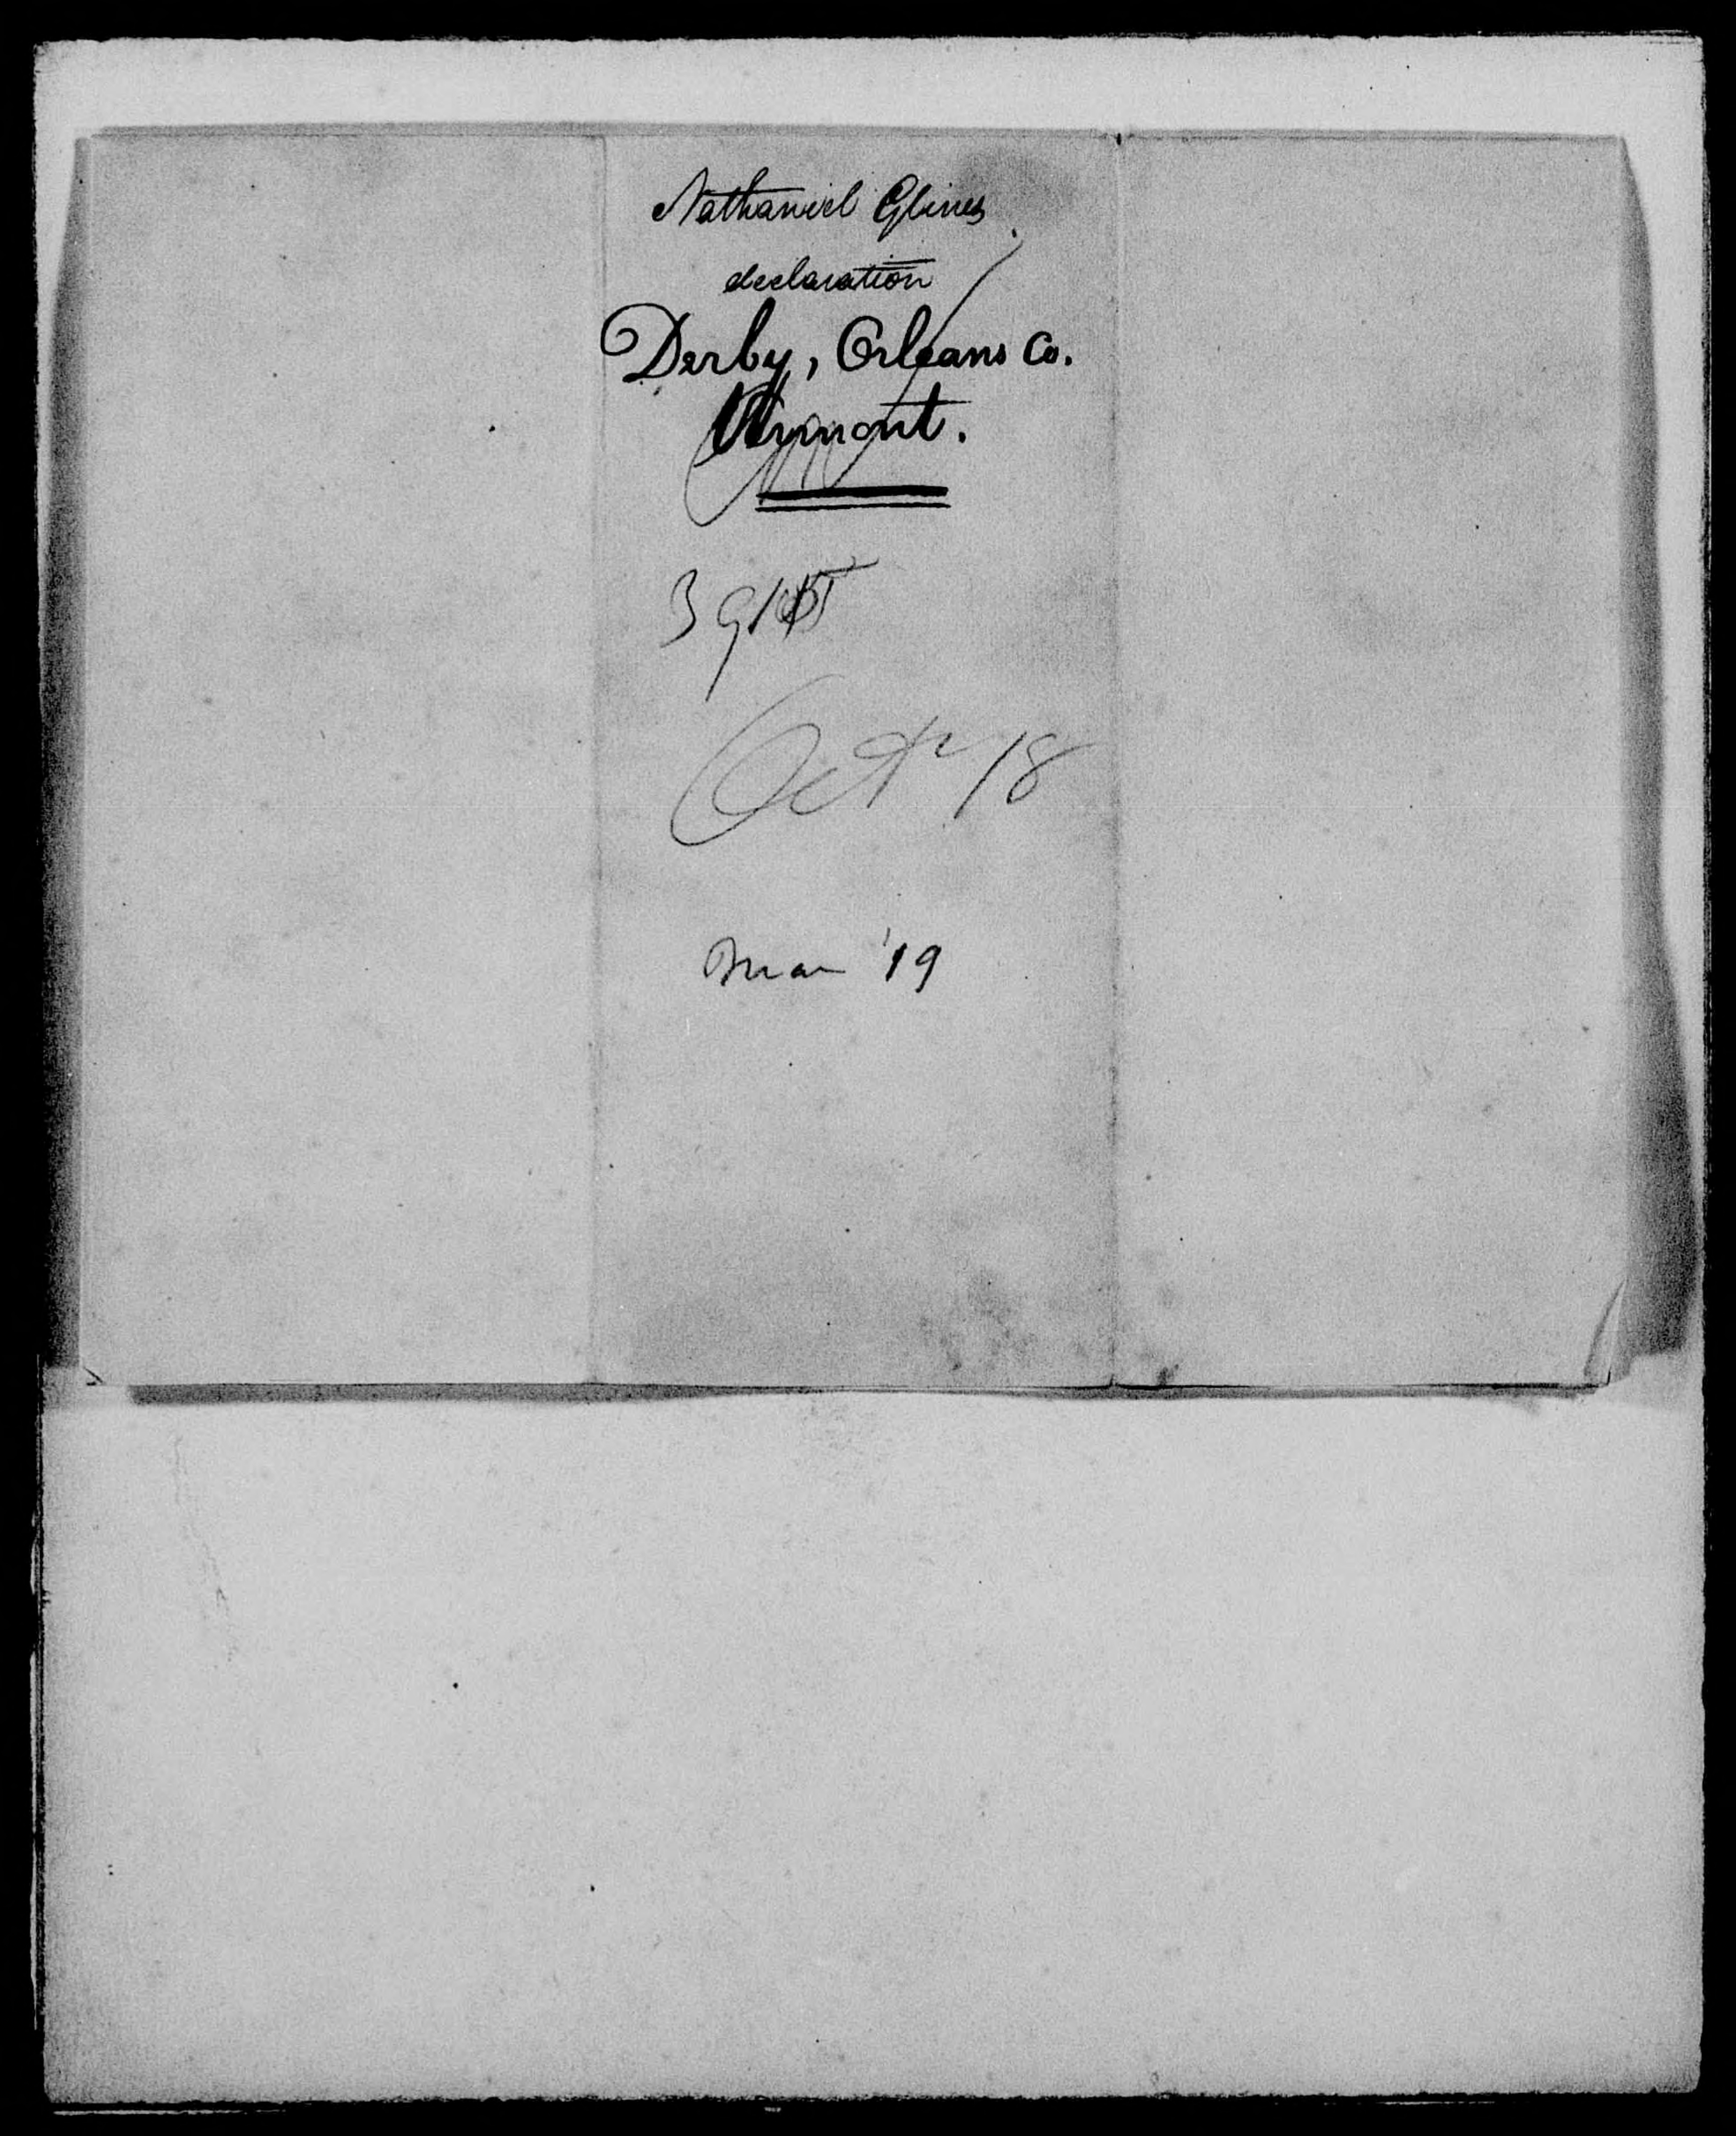Nathaniel Glines
declaration
Derby, Orleans Co.
Vermont.
[illegible]
Oct 18
March 19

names: Nathaniel Glines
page: 16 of 29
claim: widow's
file: W. 24,282, Nathaniel Glines, N.H.